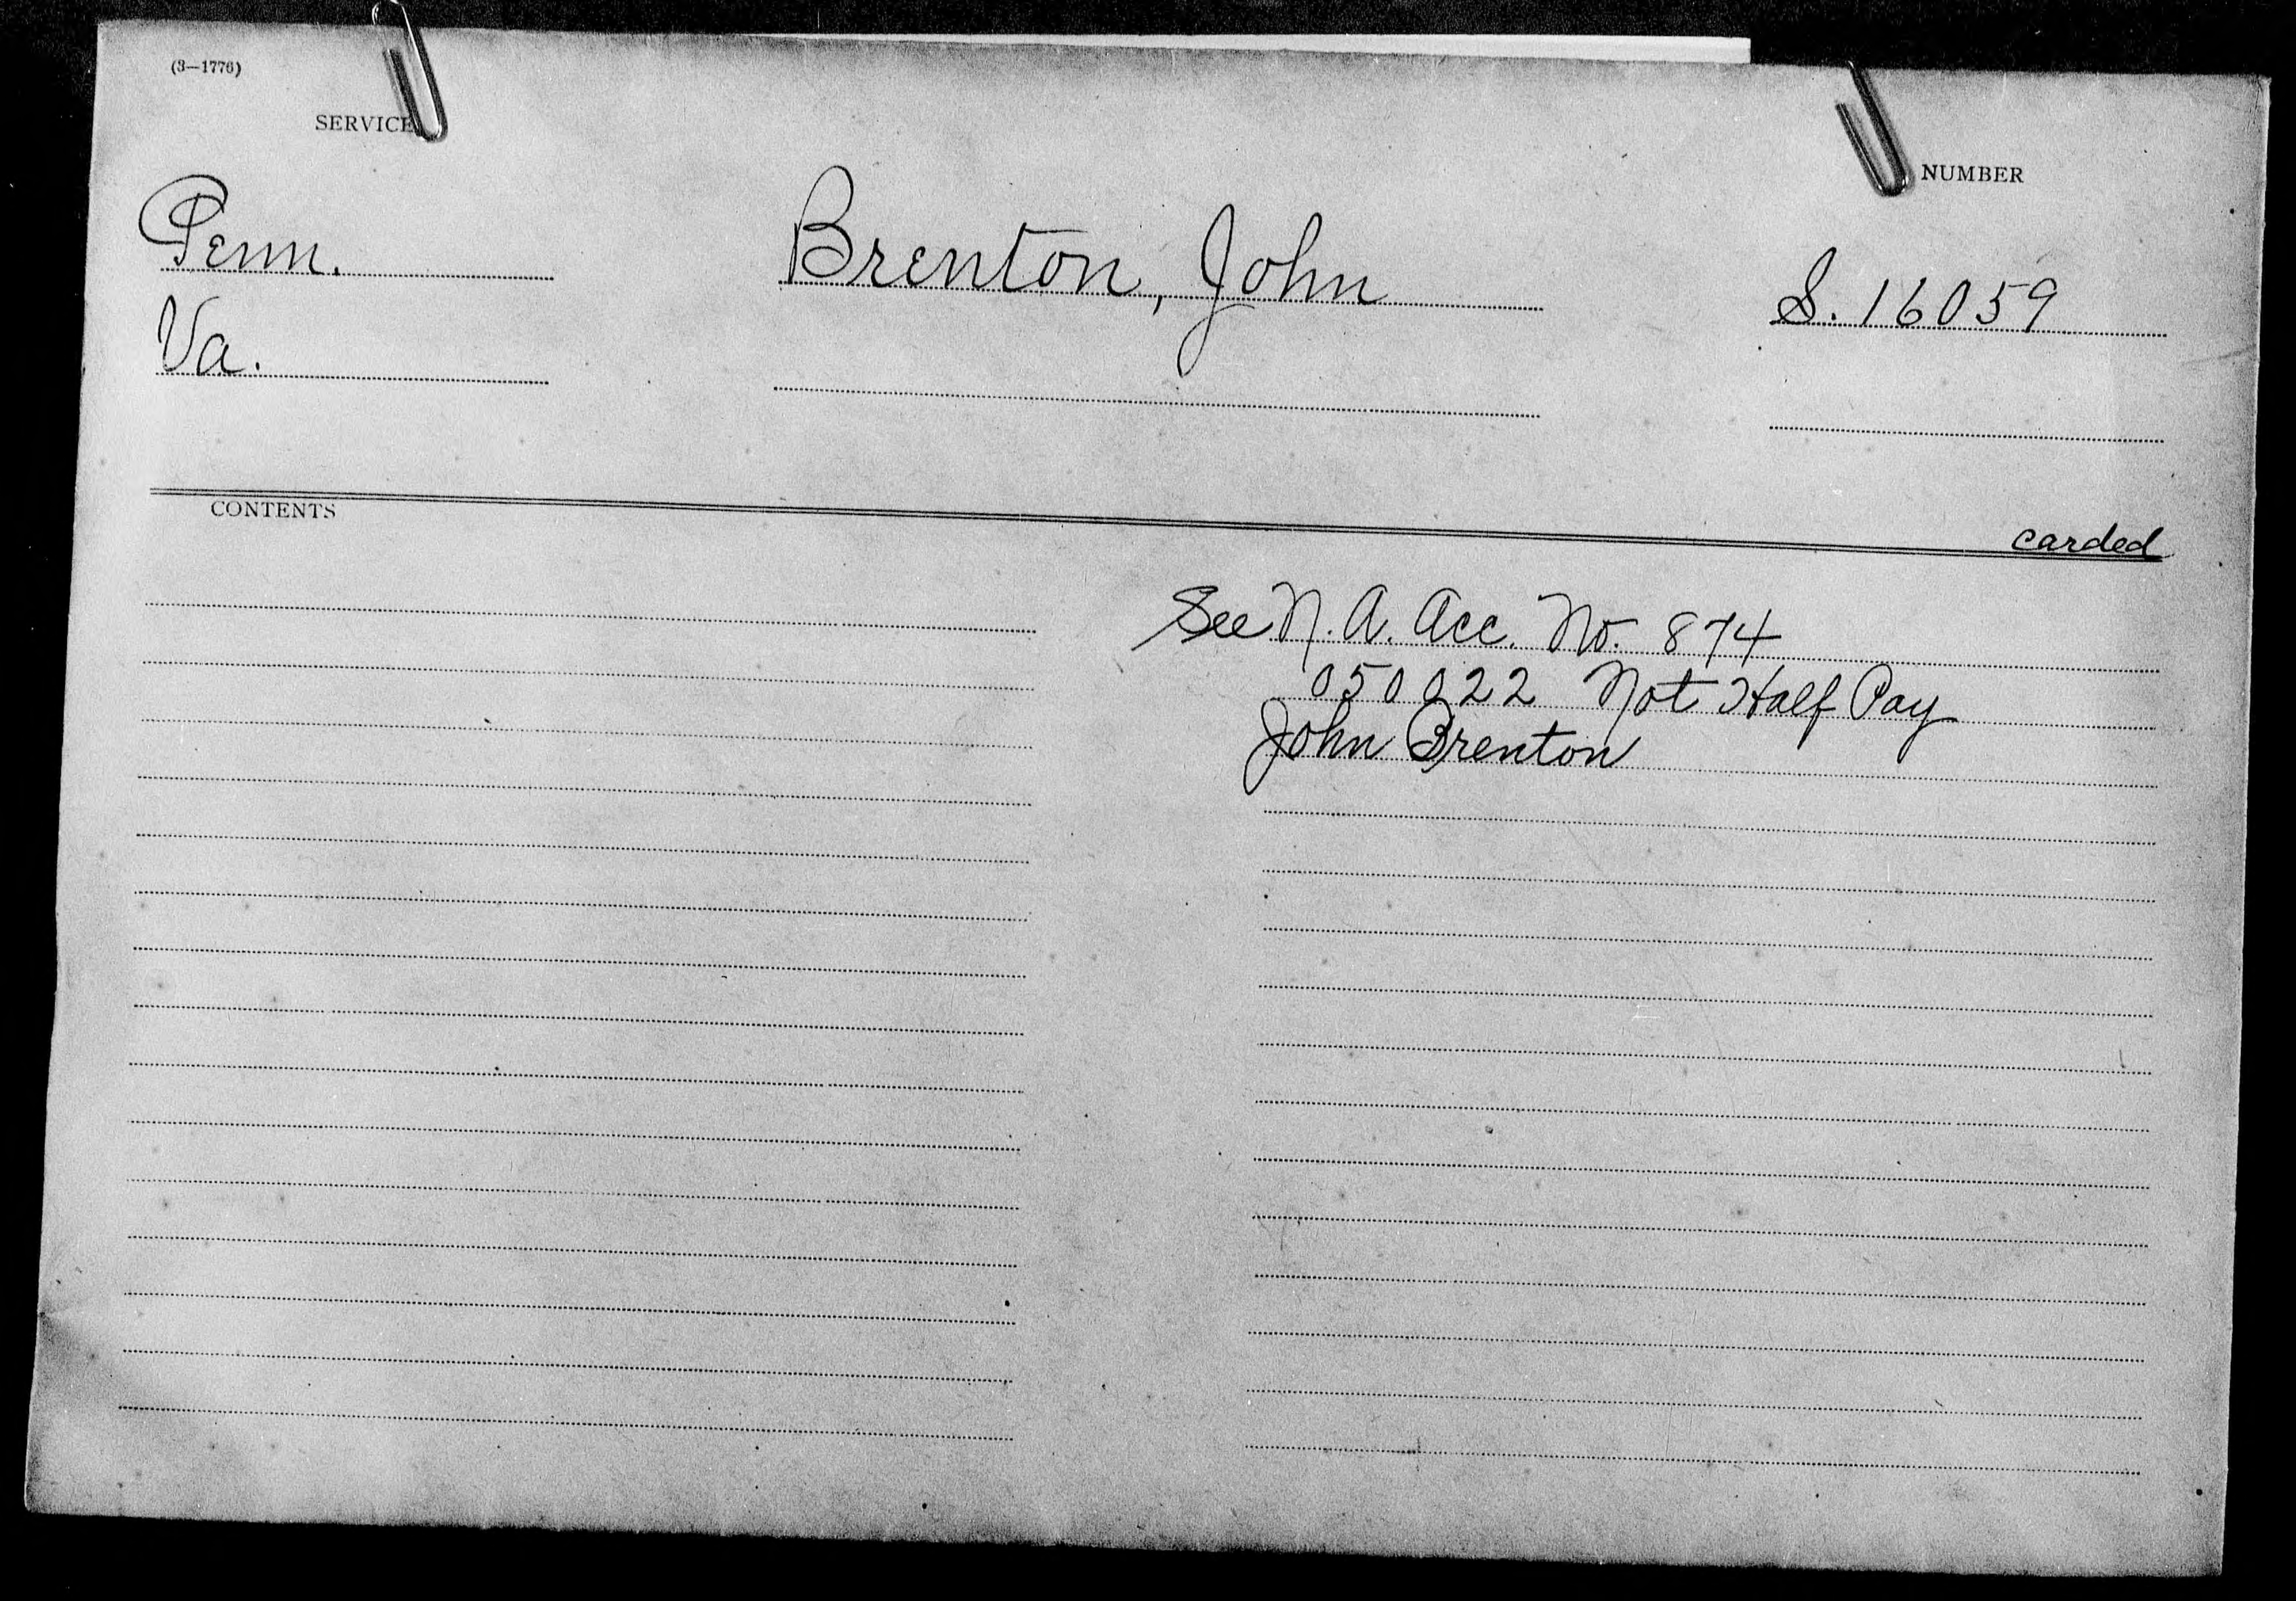Penn. Va.
Brenton, John S.16059
carded
See N. C. Acc. No. 874
050022 Not Half Pay
John Brenton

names: John Brenton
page: 1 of 26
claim: survivor's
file: S. 16059, John Brenton, Penn. Va.